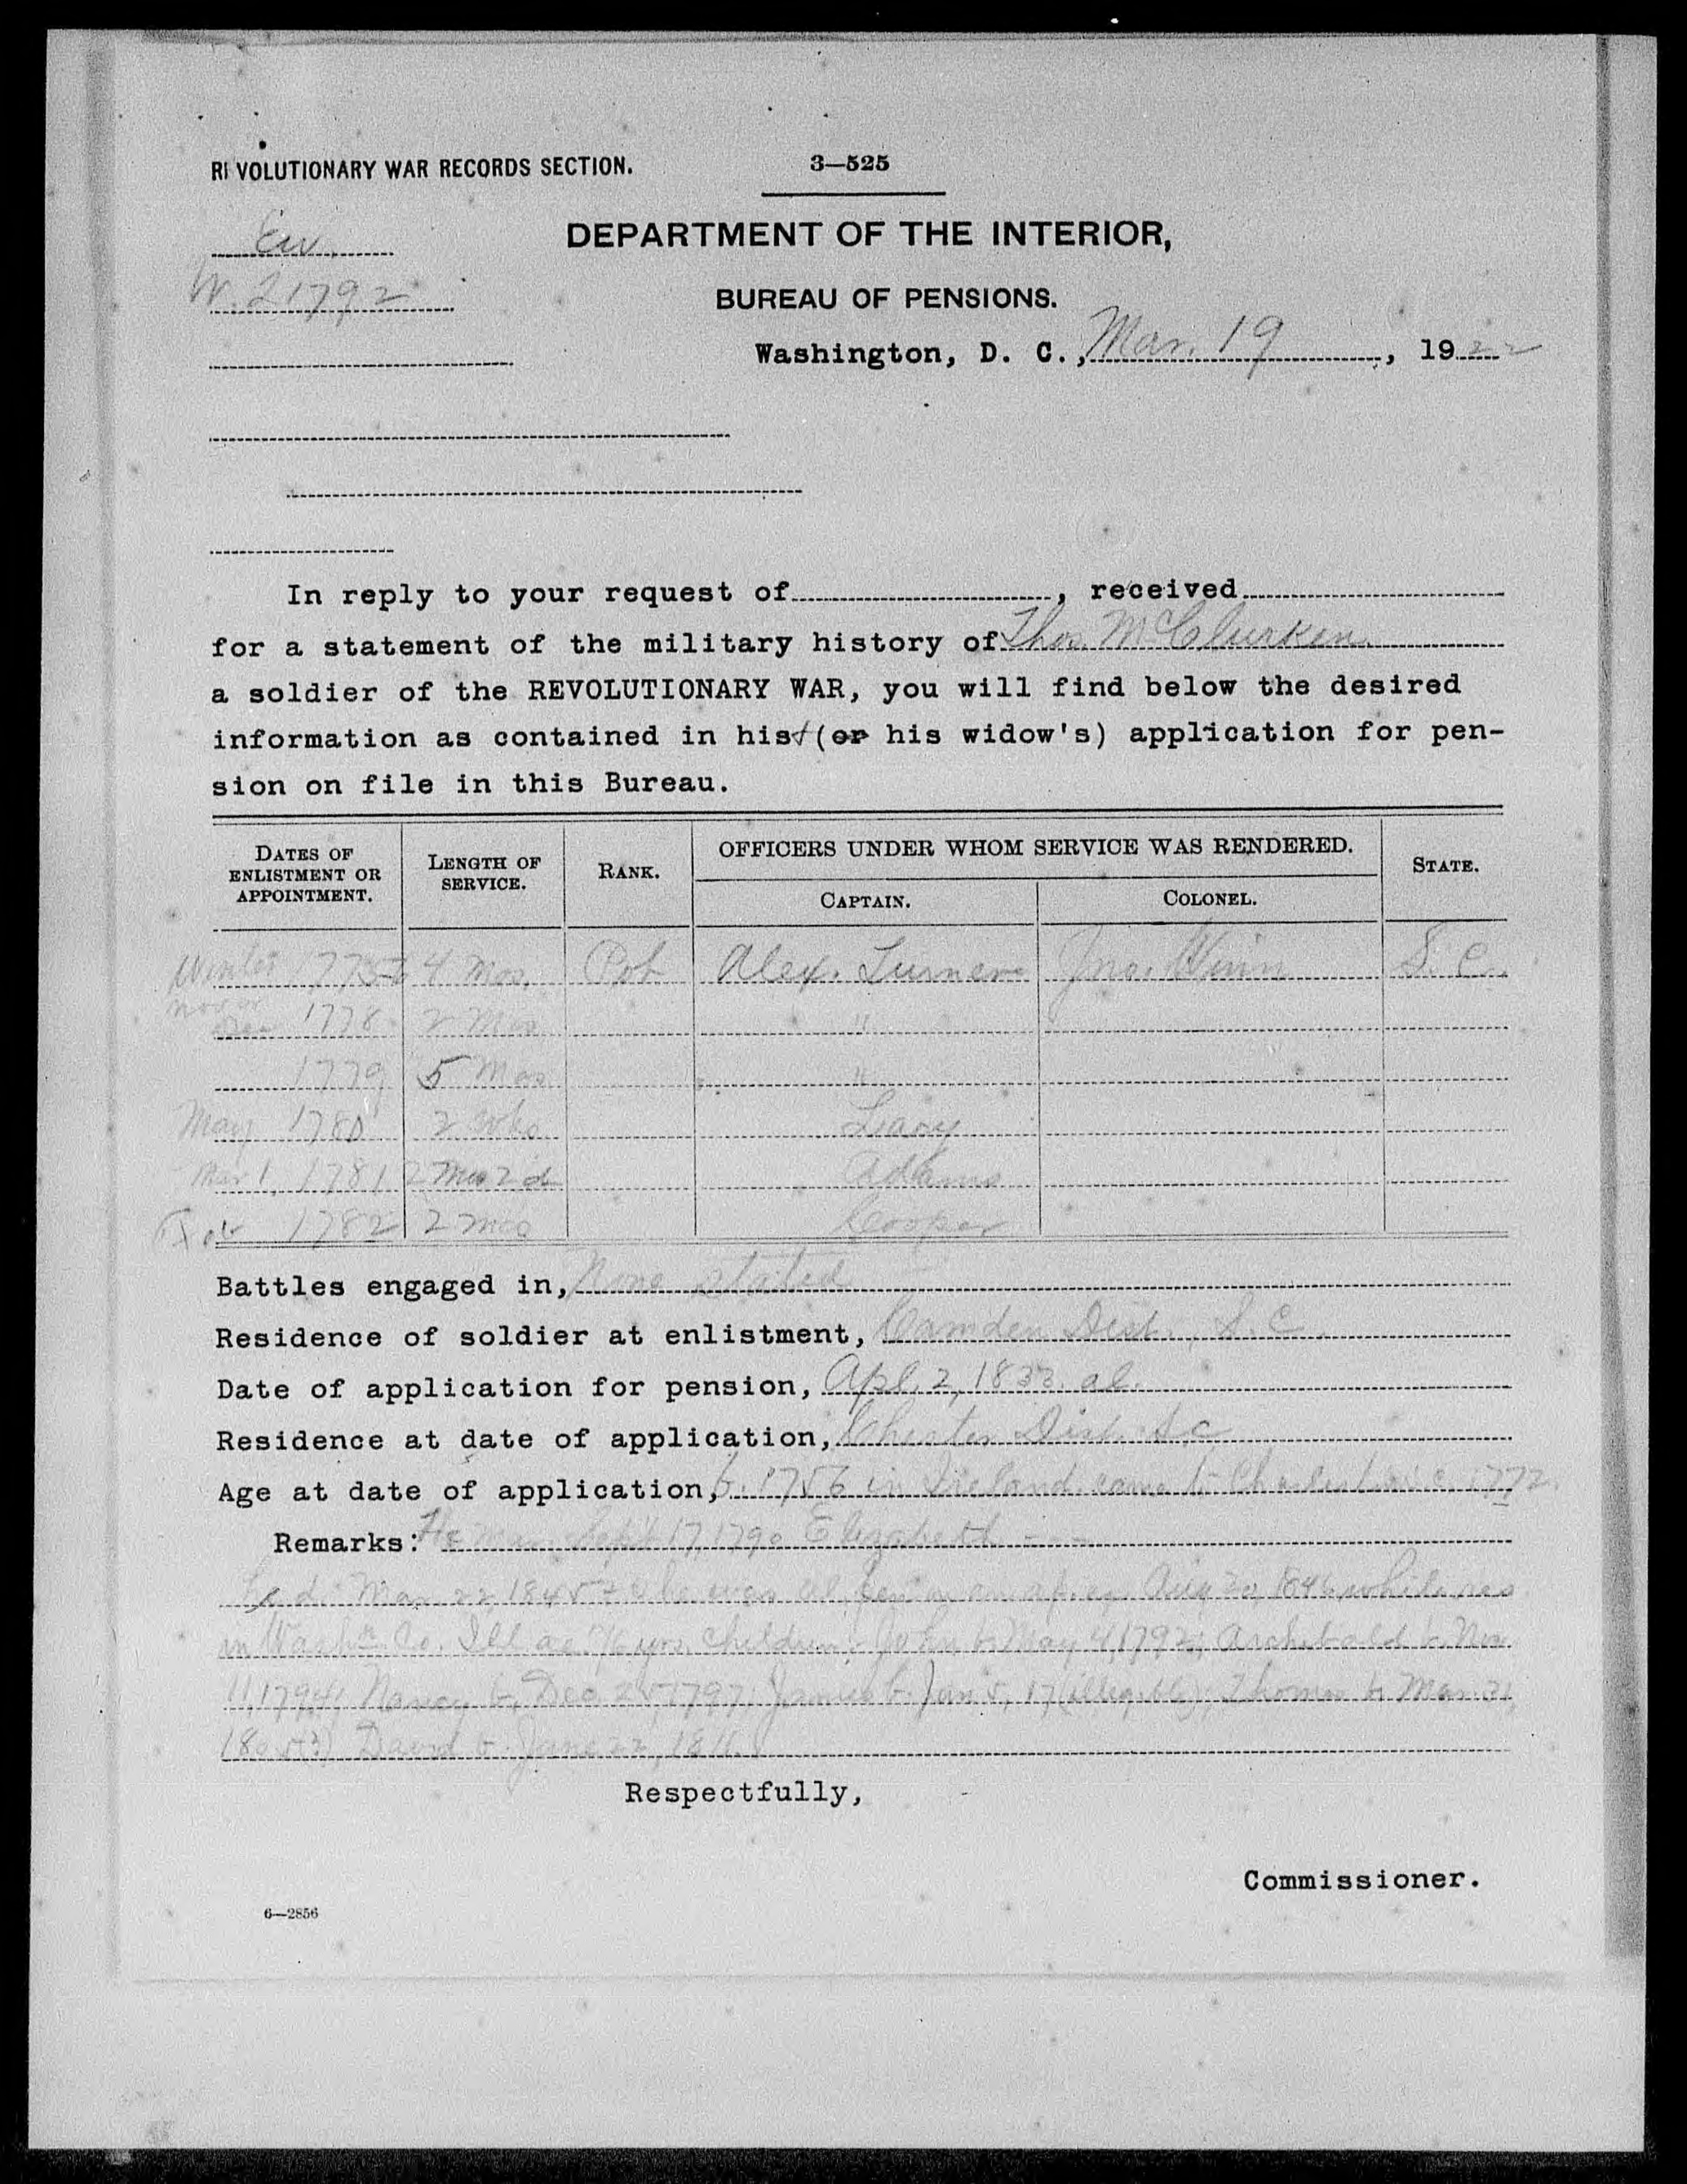REVOLUTIONARY WAR RECORDS SECTION. 
3-525

Eu. DEPARTMENT OF THE INTERIOR,
W.21792 BUREAU OF PENSIONS. 
Washington, D. C., Mar. 19, 1922

In reply to your request of received a statement of the military history of Thos McClurken 
a soldier of the REVOLUTIONARY WAR, you will find below the desired 
information as contained in his & (or his widow's) application for pension on file in this Bureau. 

DATES OF ENLISTMENT OR APPOINTMENT. Winter 1775-6
Nov or Dec 1778
1779
May 1780
Mar 1 1781
[unintelligible] 1782

LENGTH OF SERVICE.
4 Mos.
2 Mos.
5 Mos.
2 Wks
2 Mos. 2 d
2 Mos

RANK.
Prt

OFFICERS UNDER SERVICE WAS RENDERED.
CAPTAIN. COLONEL.
Alex Turner Jno. Winn
"
:
Lacy
Adams
Cooper

STATE.
S.C.


Battles engaged in, None stated
Residence of soldier at enlistment, Camden Dist., S.C.
Date of application for pension, Apl. 2, 1833. al
Residence at date of application, Chester Dist. S.C.
Age at date of application, b. 1756 in Ireland came to Charleston, S.C. 1772

Remarks: He married Sept. 17, 1790 Elizabeth 
He died Mar. 22, 1845. He was allowed a [unintelligible] Aug. 20, 1846 while res. in Wash. Co., Ill at 76 yrs, children: John b. May 4, 1792; Archibald b. Nov. 11, 1794, Nancy b. Dec. 25, 1797; James b. Jan. 5, 17 (illegible); Thomas b. Mar. 31, 1805(3); David b. June 22, 1811.

Respectfully, 
Commissioner.

6-2856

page: 91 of 93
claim: widow's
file: W. 21792, for Thomas Mc Clurken, South Carolina